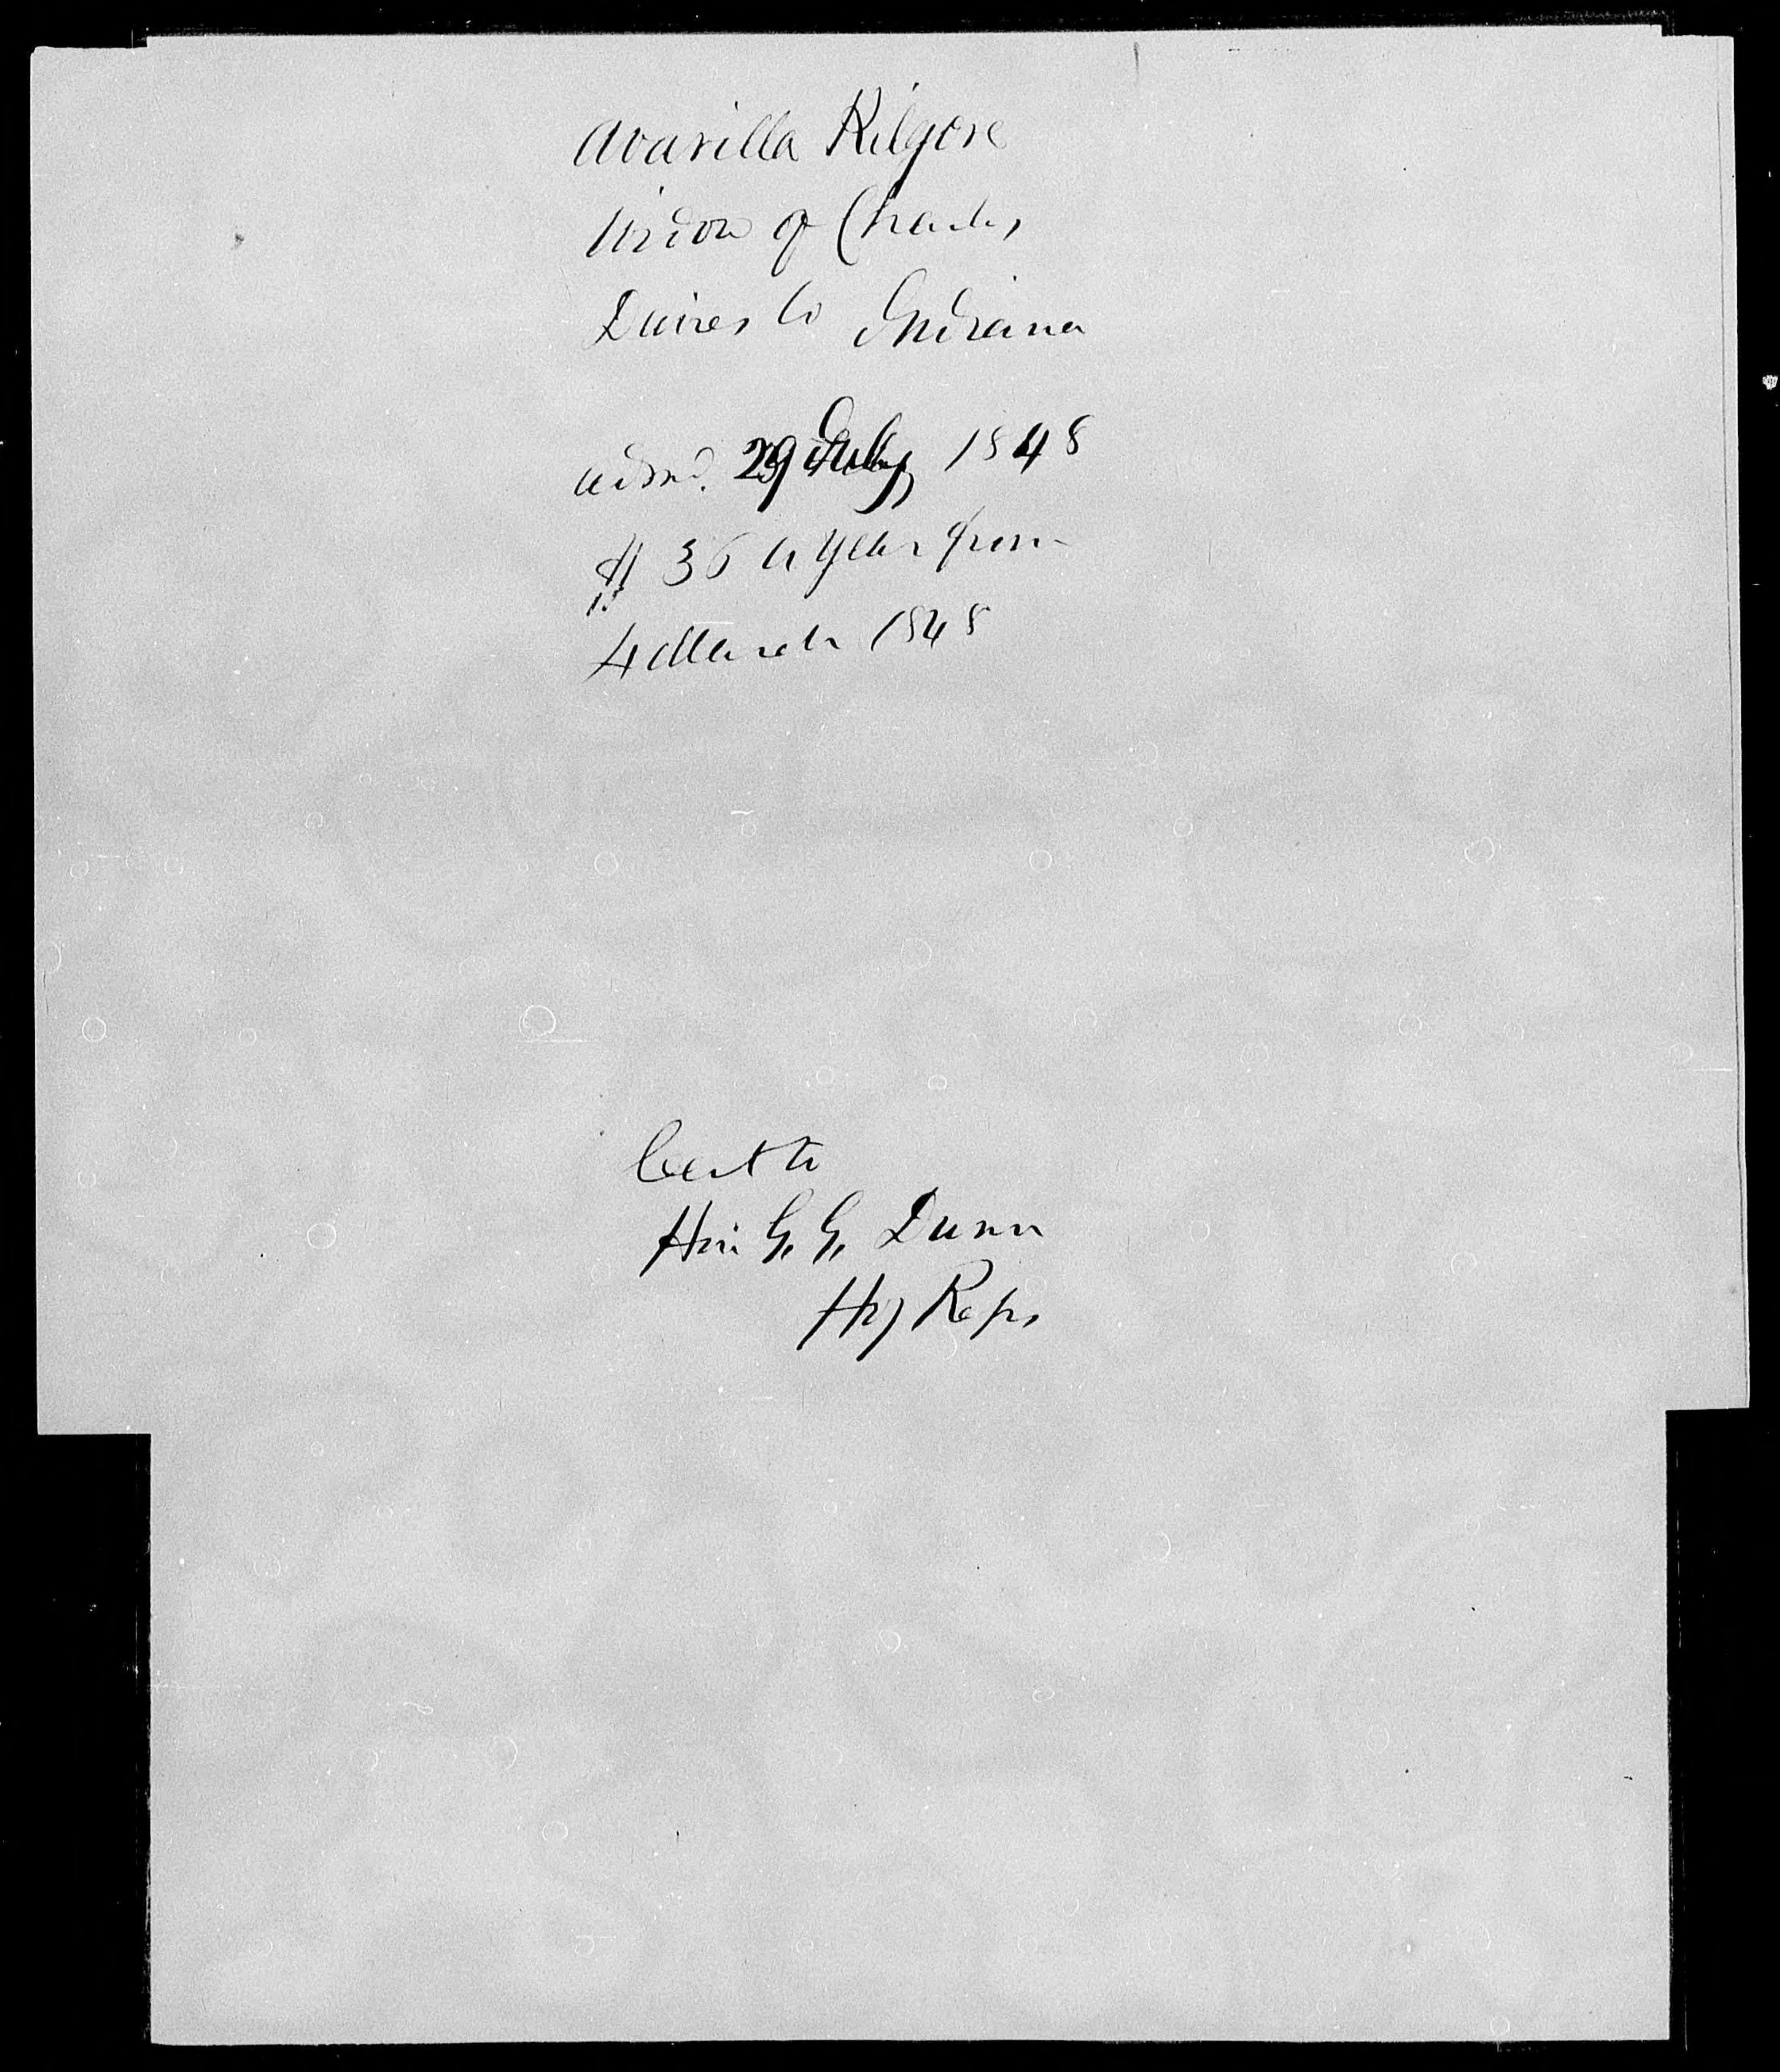Avarilla Kilgore
Widow of Charles
Davies [Daviess] Co Indiana
admd. 19 July, 1848
$36 a year from 4 March 1848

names: Charles Kilgore; G G Dunn; Avarilla Kilgore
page: 95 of 115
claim: survivor's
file: S. 699, for Charles Kilgore, Virginia